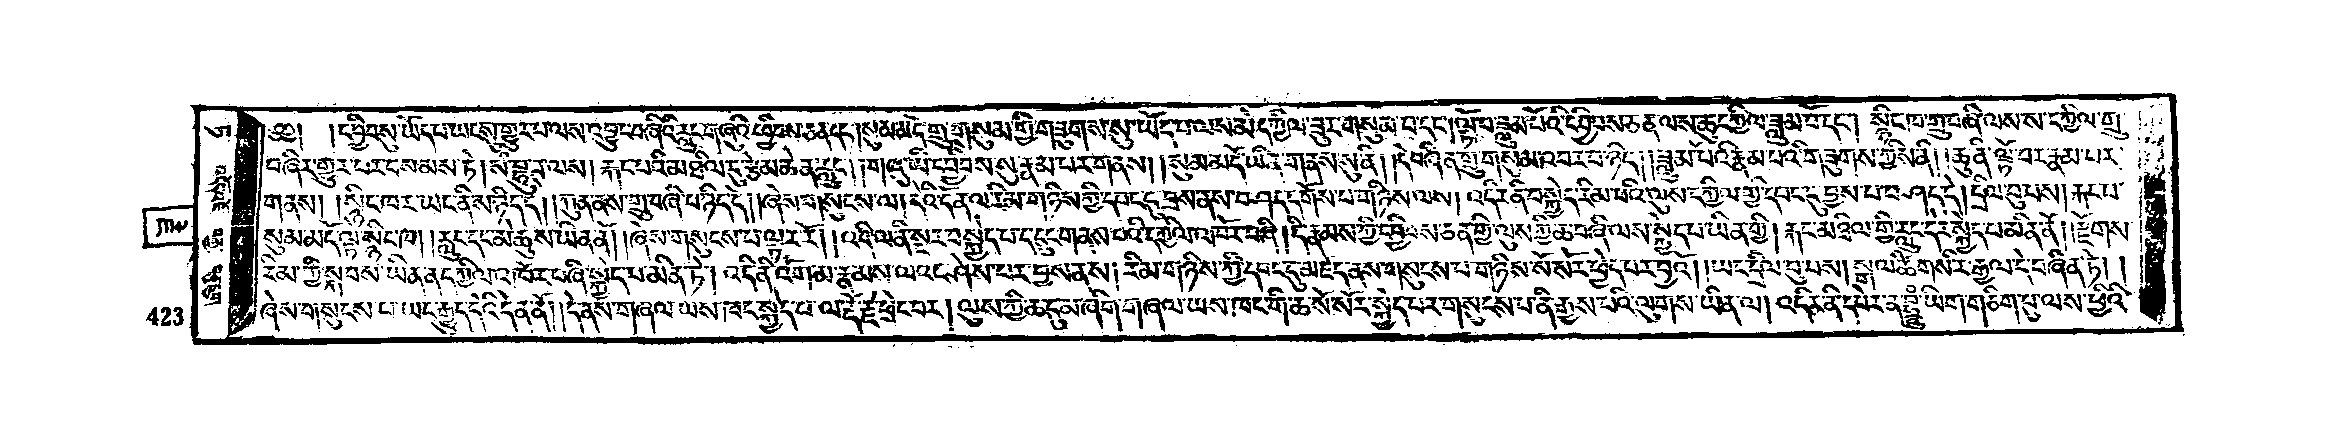༄༅། །དབྱིངས་སུ་ཡོད་པ་ཡོངས་སུ་གྱུར་པ་ལས་འབྱུང་བཞིའི་རླུང་གཞུའི་དབྱིབས་ཅན་དང་། སུམ་མདོ་?་གྲུ་གསུམ་གྱི་གཟུགས་སུ་ཡོད་པ་ལས་མེ་དཀྱིལ་ཟུར་གསུམ་པ་དང་། ལྟོ་བ་ཟླུམ་པོའི་དབྱིབས་ཅན་ལས་ཆུ་དཀྱིལ་ཟླུམ་པོ་དང་། སྙིང་ཁ་གྲུ་བཞི་ལས་ས་དཀྱིལ་གྲུ་
བཞིར་གྱུར་པར་བསམས་ཏེ། སཾ་བྷུ་ཊ་ལས། རྐང་པའི་མཐིལ་དུ་རྩེ་མཆེན་རླུང་། །གཞུ་ཡི་དབྱིབས་སུ་རྣམ་པར་གནས། །སུམ་མདོ་ཡིན་གནས་སུ་ནི། །དེ་བཞིན་གྲུ་གསུམ་འབར་བ་ཉིད། །ཟླུམ་པོའི་རྣམ་པའི་གཟུགས་ཀྱིས་ནི། །ཆུ་ནི་ལྟོ་བར་རྣམ་པར་
གནས། །སྙིང་ཁར་ཡང་ནི་ས་ཉིང་དེ། །ཀུན་ནས་གྲུ་བཞི་པ་ཉིད་དོ། །ཞེས་གསུངས་ལ། དེའི་དོན་ལ་རིམ་གཉིས་ཀྱི་དབང་དུ་བྱས་ནས་བཤད་དགོས་པ་གཉིས་ལས། འདིར་ནི་བསྐྱེད་རིམ་པའི་ལུས་དཀྱིལ་གྱི་དབང་དུ་བྱས་པ་བཤད་དེ། དྲིལ་བུ་པས། རྐང་པ་
སུམ་མདོ་ལྟེ་སྙིང་ཁ། །རླུང་དང་མེ་ཆུས་ཡིན་ནོ། །ཞེས་གསུངས་པ་ལྟར་རོ། །འདི་ལ་ནི་སྔར་བསྐྱེད་པ་ད་དུང་གནས་པའི་དཀྱིལ་འཁོར་བཞི། དེ་རྣམས་ཀྱི་དབྱིབས་ཅན་གྱི་ལུས་ཀྱི་ཆ་བཞི་ལས་སྐྱེད་པ་ཡིན་གྱི། རྐང་མཐིལ་གྱི་རླུང་དེར་སྐྱེད་པ་མིན་ནོ། །རྫོགས་
རིམ་གྱི་སྐབས་ཡིན་ན་དཀྱིལ་འཁོར་བཞི་སྐྱེད་པ་མིན་ཏེ། འདི་ནི་འོག་མ་རྣམས་ལའང་ཤེས་པར་བྱས་ནས། རིམ་གཉིས་ཀྱི་དབང་དུ་མཛད་ནས་གསུངས་པ་གཉིས་སོ་སོར་ཕྱེད་པར་བྱའོ། །ཡང་དྲིལ་བུ་པས། སྒལ་ཚིགས་རི་རྒྱལ་དེ་བཞིན་ཏེ། །
ཞེས་གསུངས་པ་ཡང་རྒྱུད་དེའི་དོན་ནོ། །དེ་ནས་གཞལ་ཡས་ཁང་སྐྱེད་པ་ལ་རྡོ་རྗེ་ཕྲེང་བར། ལུས་ཀྱི་ཆ་དུ་མ་ཞིག་གཞལ་ཡས་ཁང་གི་ཆ་སོ་སོར་སྐྱེད་པར་གསུངས་པ་ནི་རྒྱས་པའི་ལུགས་ཡིན་ལ། འདིར་ནི་དཔེར་ན་བྷྲཱུཾ་ཡིག་གཅིག་པུ་ལས་ཕྱིའི་